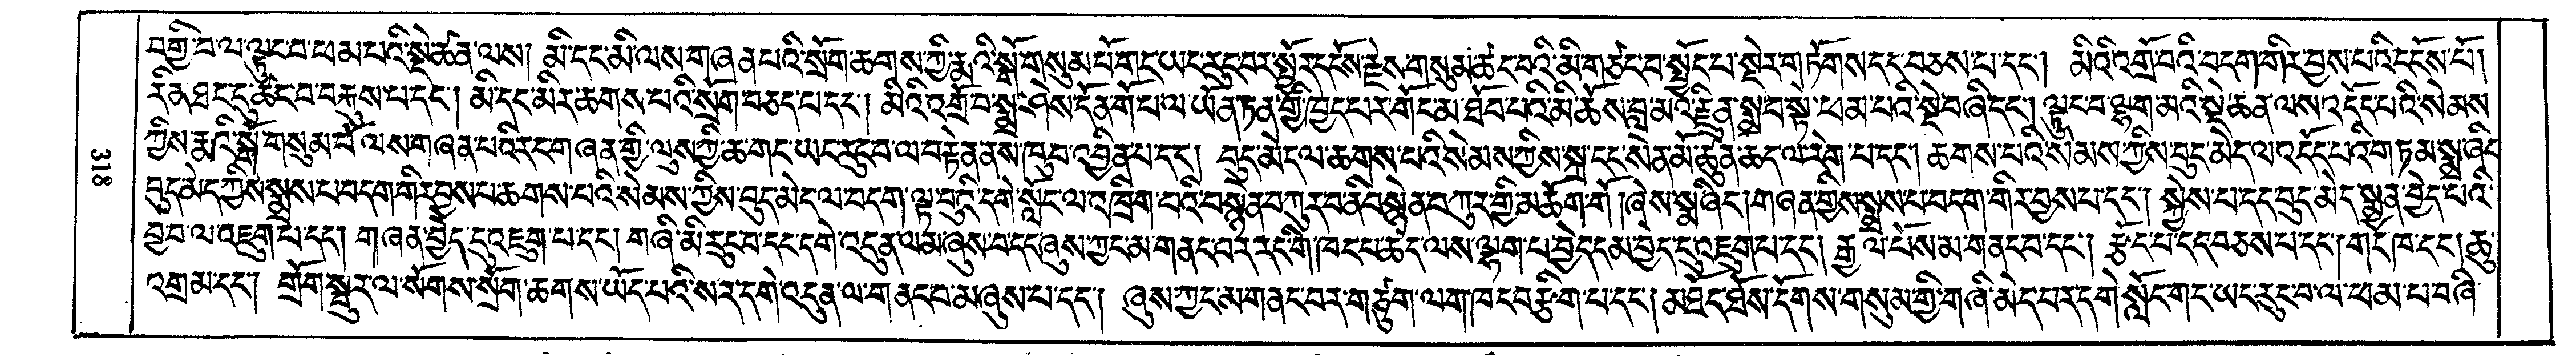བགྱི་བ་ལ་ལྟུང་བ་ཕམ་པའི་སྡེ་ཚན་ལས། མི་དང་མི་ལས་གཞན་པའི་སྲོག་ཆགས་ཀྱི་རྨའི་སྒོ་གསུམ་པོ་གང་ཡང་རུང་བར་སྦྱོར་དངོས་རྗེས་གསུམ་ཚང་བའི་མི་གཙང་བ་སྤྱོད་པ་སྡེར་གཏོགས་དང་བཅས་པ་དང་། མིའི་འགྲོ་བའི་བདག་གིར་བྱས་པའི་དངོས་པོ་
རིན་ཐང་དུ་ཚང་བ་བརྐུས་པ་དང་། མི་དང་མིར་ཆགས་པའི་སྲོག་བཅད་པ་དང་། མིའི་འགྲོ་བ་སྨྲ་ཤེས་དོན་གོ་བ་ལ་ཡོན་ཏན་གྱི་ཁྱད་པར་གོང་མ་ཐོབ་པའི་མི་ཆོས་བླ་མའི་རྫུན་སྨྲ་བ་སྟེ་ཕམ་པའི་སྡེ་བཞི་དང་། ལྟུང་བ་ལྷག་མའི་སྡེ་ཚན་ལས་འདོད་པའི་སེམས་
ཀྱིས་རྨའི་སྒོ་གསུམ་པོ་ལས་གཞན་པའི་རང་གཞན་གྱི་ལུས་ཀྱི་ཆ་གང་ཡང་རུང་བ་ལ་བརྟེན་ནས་ཁུ་བ་འབྱིན་པ་དང་། བུད་མེད་ལ་ཆགས་པའི་སེམས་ཀྱིས་སྐྲ་དང་སེན་མོ་ཚུན་ཆོད་ལ་རེག་པ་དང་། ཆགས་པའི་སེམས་ཀྱིས་བུད་མེད་ལ་འདོད་པའི་གཏམ་སྨྲ་ཞིང་
བུད་མེད་ཀྱིས་སྨྲས་པ་བདག་གིར་བྱས་པ་ཆགས་པའི་སེམས་ཀྱིས་བུད་མེད་ལ་བདག་ལྟ་བུའི་དགེ་སློང་ལ་འཁྲིག་པའི་བསྙེན་བཀུར་བ་ནི་བསྙེན་བཀུར་གྱི་མཆོག་གོ །ཞེས་སྨྲ་ཞིང་། གཞན་གྱིས་སྨྲས་པ་བདག་གིར་བྱས་པ་དང་། སྐྱེས་པ་དང་བུད་མེད་སྨྱན་བྱེད་པའི་
བྱ་བ་ལ་འཇུག་པ་དང་། གཞན་བྱེད་དུ་འཇུག་པ་དང་། གཞི་མི་རུང་བ་དང་དགེ་འདུན་ལ་མ་ཞུས་བ་དང་ཞུས་ཀྱང་མ་གནང་བར་རང་གི་ཁང་པ་ཚད་ལས་ལྷག་པ་བྱེད་དམ་བྱེད་དུ་འཇུག་པ་དང་། རྒྱལ་པོས་མ་གནང་བ་དང་། རྩོད་པ་དང་བཅས་པ་དང་། གང་ཁ་དང་། ཆུ་
འགྲམ་དང་། གྲོག་སྦུར་ལ་སོགས་སྲོག་ཆགས་ཡོད་པའི་སར་དགེ་འདུན་ལ་གནང་བ་མ་ཞུས་པ་དང་། ཞུས་ཀྱང་མ་གནང་བར་གཙུག་ལག་ཁང་བརྩིག་པ་དང་། མཐོང་ཐོས་དགོས་གསུམ་གྱི་གཞི་མེད་པར་དགེ་སློང་གང་ཡང་རུང་བ་ལ་ཕམ་པ་བཞི་